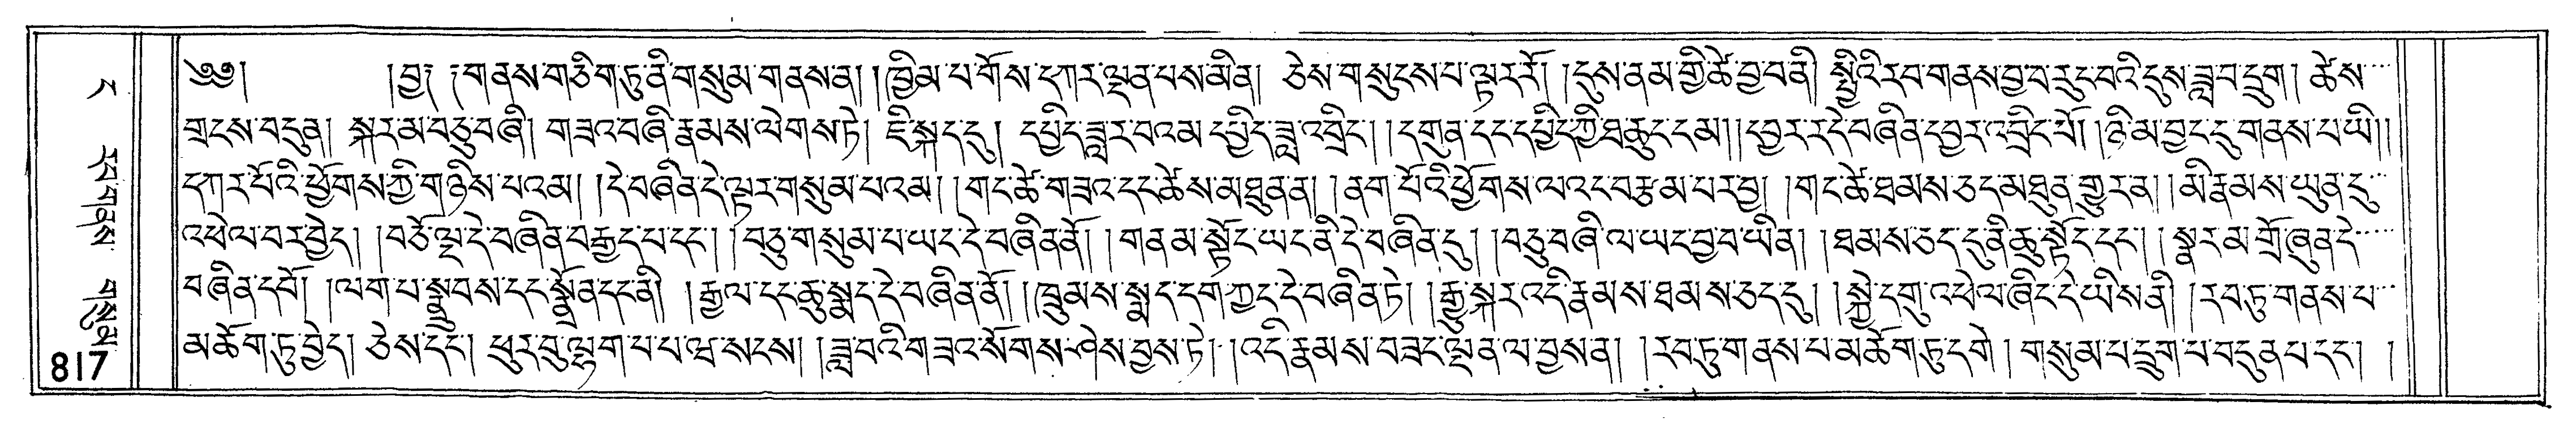༄༅། །བྱ། །གནས་གཅིག་ཏུ་ནི་གསུམ་གནས་ན། །ཁྱིམ་པ་གོས་དཀར་ལྡན་པས་མིན། ཅེས་གསུངས་པ་ལྟར་རོ། །དུས་ནམ་གྱི་ཚེ་བྱ་བ་ནི། སྤྱིའི་རབ་གནས་བྱ་བ་རུང་བའི་དུས་ཟླ་བ་དྲུག །ཚེས་
གྲངས་བདུན། སྐར་མ་བཅུ་བཞི། གཟའ་བཞི་རྣམས་ལེགས་ཏེ། ཇི་སྐད་དུ། དཔྱིད་ཟླ་ར་བའམ་དཔྱིད་ཟླ་འབྲིང་། །དགུན་དང་དཔྱིད་ཀྱི་ཐ་ཆུང་ངམ། །དབྱར་ར་དེ་བཞིན་དབྱར་འབྲིང་པོ། །ཉི་མ་བྱང་དུ་གནས་པ་ཡི། །
དཀར་པོའི་ཕྱོགས་ཀྱི་གཉིས་པའམ། །དེ་བཞིན་དེ་ལྟར་གསུམ་པའམ། །གང་ཚེ་གཟའ་དང་ཚེས་མཐུན་ན། །ནག་པོའི་ཕྱོགས་ལའང་བརྩམ་པར་བྱ། །གང་ཚེ་ཐམས་ཅད་མཐུན་གྱུར་ན། །མི་རྣམས་ཡུན་དུ་
འཕེལ་བར་བྱེད། །བཅོ་ལྔ་དེ་བཞིན་བརྒྱད་པ་དང་། །བཅུ་གསུམ་པ་ཡང་དེ་བཞིན་ནོ། །གནམ་སྟོང་ཡང་ནི་དེ་བཞིན་དུ། །བཅུ་བཞི་ལ་ཡང་བྱ་བ་ཡིན། །ཐམས་ཅད་དུ་ནི་ཆུ་སྟོང་དང་། །སྣར་མ་གྲོ་ཞུན་དེ་
བཞིན་ད་བོ། །ལག་པ་སྣྲུབས་དང་སྣྲོན་དང་ནི། །རྒྱལ་དང་ཆུ་སྨད་དེ་བཞིན་ནོ། །ཁྲུམས་སྨད་དག་ཀྱང་དེ་བཞིན་ཏེ། །རྒྱུ་སྐར་འདི་རྣམས་ཐམས་ཅད་དུ། །སྐྱེ་དགུ་འཕེལ་ཞིང་དེ་ཡིས་ནི། །རབ་ཏུ་གནས་པ་
མཆོག་ཏུ་བྱེད། ཅེས་དང་། ཕུར་བུ་བུ་ལྷག་པ་པ་ཝ་སངས། །ཟླ་བའི་གཟའ་སོགས་ཤེས་བྱས་ཏེ། །འདི་རྣམས་བཟང་ལྡན་ལ་བྱས་ན། །རབ་ཏུ་གནས་པ་མཆོག་ཏུ་དགེ། གསུམ་པ་དྲུག་པ་བདུན་པ་དང་། །